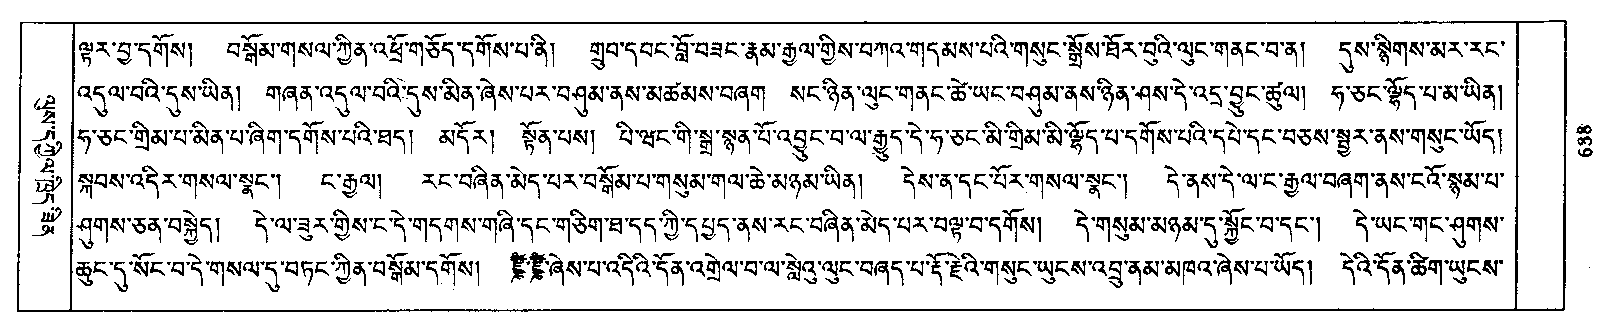ལྟར་བྱ་དགོས། བསྒོམ་གསལ་ཀྱིན་འཕྲོ་གཅོད་དགོས་པ་ནི། གྲུབ་དབང་བློ་བཟང་རྣམ་རྒྱལ་གྱིས་བཀའ་གདམས་པའི་གསུང་སྒྲོས་ཐོར་བུའི་ལུང་གནང་བ་ན། དུས་སྙིགས་མར་རང་
འདུལ་བའི་དུས་ཡིན། གཞན་འདུལ་བའི་དུས་མིན་ཞེས་པར་བཤུམ་ནས་མཚམས་བཞག་སང་ཉིན་ལུང་གནང་ཚེ་ཡང་བཤུམ་ནས་ཉིན་ཤས་དེ་འདྲ་བྱུང་ཚུལ། ཧ་ཅང་ལྷོད་པ་མ་ཡིན།
ཧ་ཅང་གྲིམ་པ་མིན་པ་ཞིག་དགོས་པའི་ཐད། མདོར། སྟོན་པས། པི་ཝང་གི་སྒྲ་སྙན་པོ་འབྱུང་བ་ལ་རྒྱུད་དེ་ཧ་ཅང་མི་གྲིམ་མི་ལྷོད་པ་དགོས་པའི་དཔེ་དང་བཅས་སྦྱར་ནས་གསུང་ཡོད།
སྐབས་འདིར་གསལ་སྣང་། ང་རྒྱལ། རང་བཞིན་མེད་པར་བསྒོམ་པ་གསུམ་གལ་ཆེ་མཉམ་ཡིན། དེས་ན་དང་པོར་གསལ་སྣང་། དེ་ནས་དེ་ལ་ང་རྒྱལ་བཞག་ནས་ངའོ་སྙམ་པ་
ཤུགས་ཅན་བསྐྱེད། དེ་ལ་ཟུར་གྱིས་ང་དེ་གདགས་གཞི་དང་གཅིག་ཐ་དད་ཀྱི་དཔྱད་ནས་རང་བཞིན་མེད་པར་བལྟ་བ་དགོས། དེ་གསུམ་མཉམ་དུ་སྐྱོང་བ་དང་། དེ་ཡང་གང་ཤུགས་
ཆུང་དུ་སོང་བ་དེ་གསལ་དུ་བཏང་ཀྱིན་བསྒོམ་དགོས། ཛྞཽཾ་ཛྞཽཾ་ཞེས་པ་འདིའི་དོན་འགྲེལ་བ་ལ་སླེའུ་ལུང་བཞད་པ་རྡོ་རྗེའི་གསུང་ཡུངས་འབྲུ་ནམ་མཁའ་ཞེས་པ་ཡོད། དེའི་དོན་ཚིག་ཡུངས་